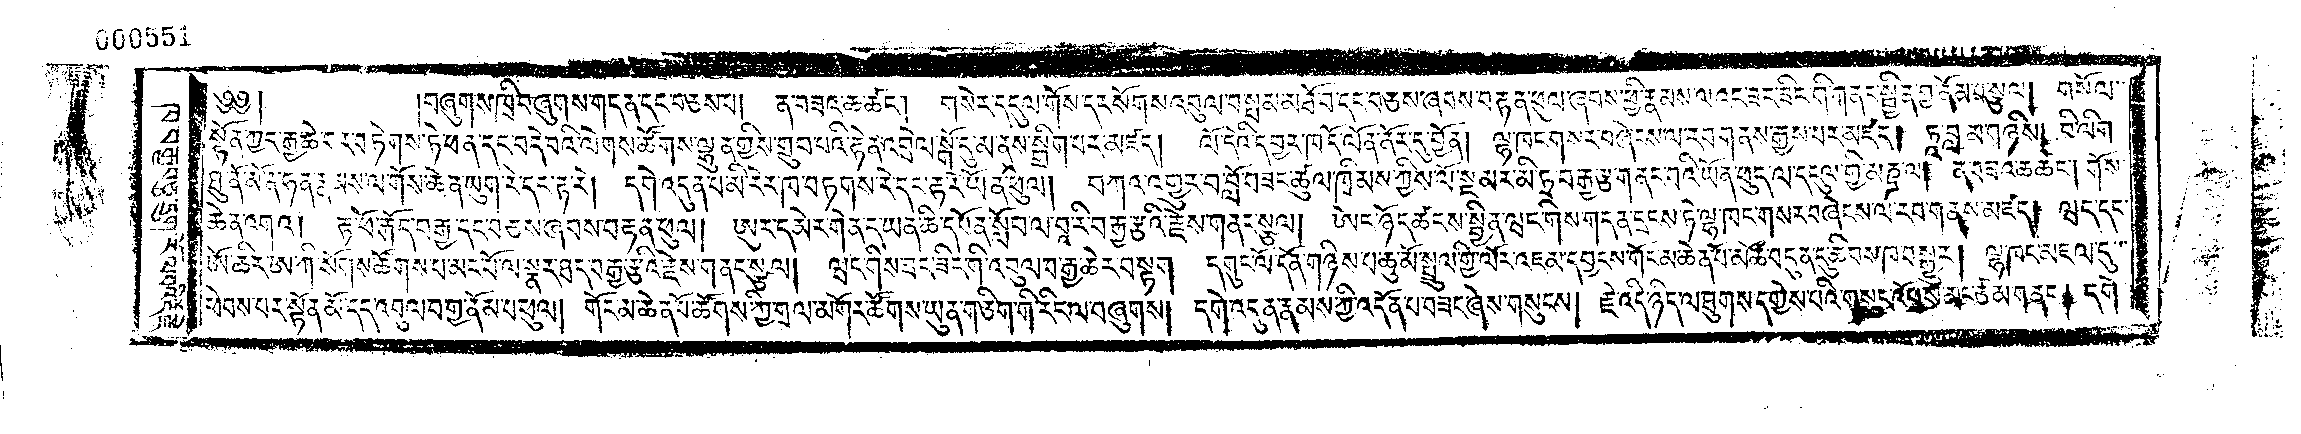༄༅། །བཞུགས་ཁྲི་བཞུགས་གདན་དང་བཅས་པ། ན་བཟའ་ཆ་ཚང་། གསེར་དངུལ་གོས་དར་སོགས་འབུལ་བ་སྤམ་མཐོ་བ་དང་བཅས་ཞབས་བརྟན་ཕུལ་ཞབས་ཕྱི་རྣམས་ལའང་ཟང་ཟིང་གི་གནང་སྦྱིན་གྱ་ནོམ་པ་སྩལ། གསོལ་
སྟོན་ཀྱང་རྒྱ་ཆེ་བར་བཏེགས་ཏེ་ཕན་དང་བདེ་པའི་ལེགས་ཚོགས་ལྷུན་གྱིས་གྲུབ་པའི་རྟེན་འབྲེལ་སྒོ་དུ་མ་ནས་སྒྲིག་པར་མཛད། ལོ་དེའི་དབྱར་ཁ་དོ་ལོན་ནོར་དུ་བྱོན། ལྷ་ཁང་གསར་བཞེངས་ལ་རབ་གནས་རྒྱས་པར་མཛད། ཏཱ་བླ་མ་གཉིས། བི་ལིག་
ཐུ་ནོ་མོན་ཧན་རྣམས་ལ་གོས་ཆེན་ཡུག་རེ་དང་རྟ་རེ། དགེ་འདུན་པ་མི་རེར་ཁ་བཏགས་རེ་དང་རྟ་རེ་ཡོན་ཕུལ། བཀའ་འགྱུར་པ་བློ་བཟང་ཚུལ་ཁྲིམས་ཀྱིས་ལོ་སྔ་མར་མི་ཏྲ་བརྒྱ་རྩ་གནད་པའི་ཡོན་ཕུད་ལ་དངུལ་གྱི་མཎྜལ། ན་བཟའ་ཆ་ཚང་། གོས་
ཆེན་འགའ། རྟ་ཕོ་རྒོད་བརྒྱ་དང་བཅས་ཞབས་བརྟན་ཕུལ། ཨུ་རད་མེར་གེན་ད་ཡན་ཆི་དབོན་སློབ་ལ་བཱ་རི་བརྒྱ་རྩའི་རྗེས་གནང་སྩལ། ཨེང་ཉོད་ཚངས་སྦྱིན་ཝང་གིས་གདན་དྲངས་ཏེ་ལྷ་ཁང་གསར་བཞེངས་ལ་རབ་གནས་མཛད། ཝང་དང་
ཨོ་ཆིར་ཨ་ཀི་སོགས་ཚོགས་པ་མང་པོ་ལ་སྣར་ཐད་བརྒྱ་རྩའི་རྗེས་གནང་སྩལ། ཝང་གིས་ཟང་ཟིང་གི་འབུལ་བ་རྒྱ་ཆེར་བསྟབ། དགུང་ལོ་དོན་གཉིས་པ་ཆུ་མོ་སྤྲུལ་གྱི་ལོར་འཇམ་དབྱངས་གོང་མ་ཆེན་པོ་མཚོ་བདུན་དུ་ཆི་བས་ཁ་བསྒྱུར། ལྷ་ཁང་མཇལ་དུ་
ཕེབས་པར་སྟོན་མོ་དང་འབུལ་བ་གྱ་ནོམ་པ་ཕུལ། གོང་མ་ཆེན་པོ་ཚོགས་ཀྱི་གྲལ་མགོར་ཚོགས་ཡུན་གཅིག་གི་རིང་ལ་བཞུགས། དགེ་འདུན་རྣམས་ཀྱི་འདོན་པ་བཟང་ཞེས་གསུངས། རྗེ་འདི་ཉིད་ལ་ཐུགས་དགྱེས་པའི་གསུང་འཕྲོས་མང་ཙམ་གནང་། དགེ་